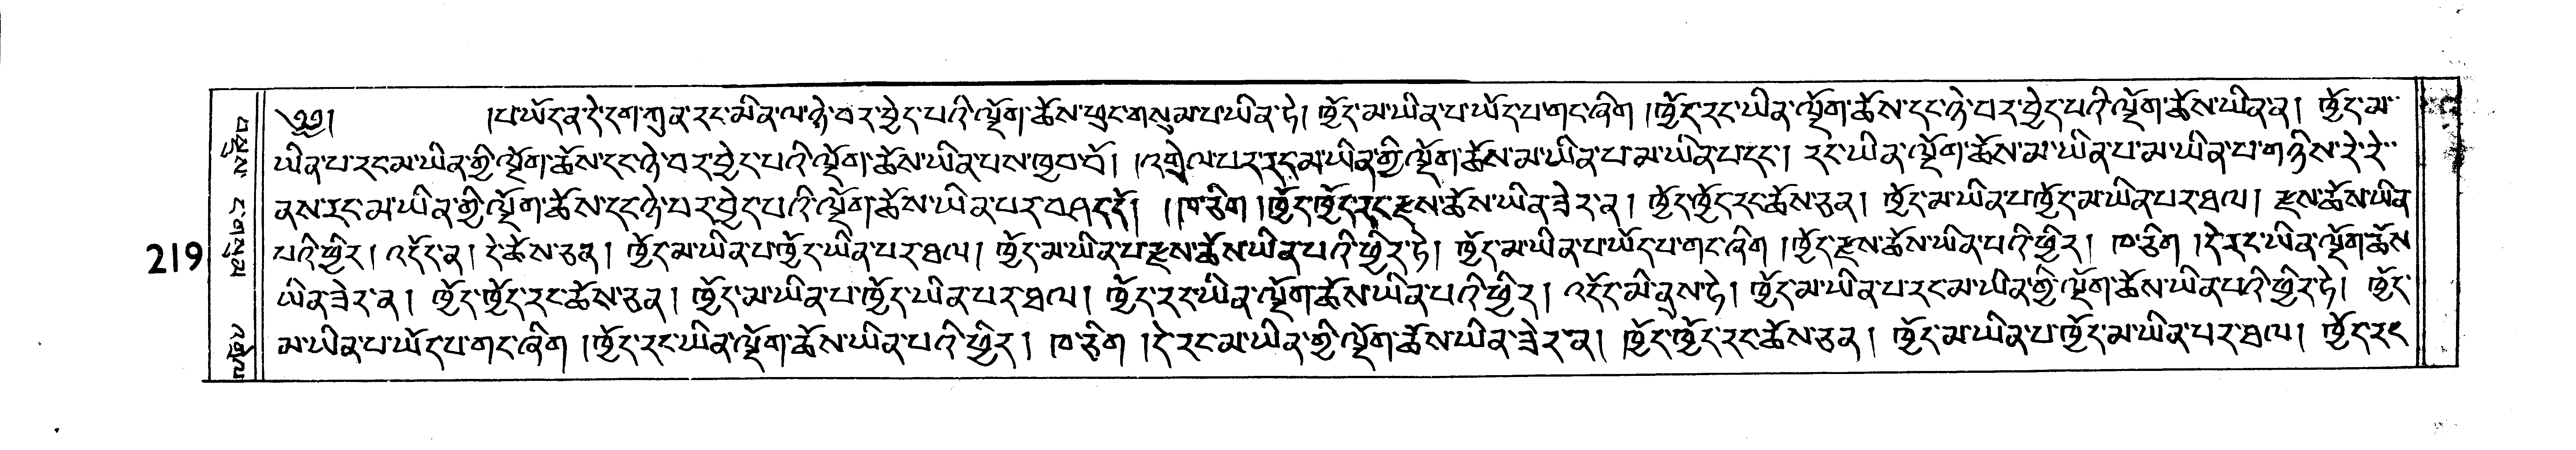༄༅། །པ་ཡོད་ན་དེ་དག་ཀུན་རང་མིན་ལ་ཉེ་བར་བྱེད་པའི་ལྡོག་ཆོས་ཕུང་གསུམ་པ་ཡིན་ཏེ། ཁྱོད་མ་ཡིན་པ་ཡོད་པ་གང་ཞིག །ཁྱོད་རང་ཡིན་ལྡོག་ཆོས་དང་ཉེ་བར་བྱེད་པའི་ལྡོག་ཆོས་ཡིན་ན། ཁྱོད་མ་
ཡིན་པ་རང་མ་ཡིན་གྱི་ལྡོག་ཆོས་དང་ཉེ་བར་བྱེད་པའི་ལྡོག་ཆོས་ཡིན་པས་ཁྱབ་བོ། །འགྲེལ་པར་རང་མ་ཡིན་གྱི་ལྡོག་ཆོས་མ་ཡིན་པ་མ་ཡིན་པ་དང་། རང་ཡིན་ལྡོག་ཆོས་མ་ཡིན་པ་མ་ཡིན་པ་གཉིས་རེ་རེ་
ནས་རང་མ་ཡིན་གྱི་ལྡོག་ཆོས་དང་ཉེ་བར་བྱེད་པའི་ལྡོག་ཆོས་ཡིན་པར་བཤད་དོ། །ཁ་ཅིག། ཁྱོད་ཁྱོད་རང་རྫས་ཆོས་ཡིན་ཟེར་ན། ཁྱོད་ཁྱོད་རང་ཆོས་ཅན། ཁྱོད་མ་ཡིན་པ་ཁྱོད་མ་ཡིན་པར་ཐལ། རྫས་ཆོས་ཡིན་
པའི་ཕྱིར། འདོད་ན། དེ་ཆོས་ཅན། ཁྱོད་མ་ཡིན་པ་ཁྱོད་ཡིན་པར་ཐལ། ཁྱོད་མ་ཡིན་པ་རྫས་ཆོས་ཡིན་པའི་ཕྱིར་ཏེ། ཁྱོད་མ་ཡིན་པ་ཡོད་པ་གང་ཞིག །ཁྱོད་རྫས་ཆོས་ཡིན་པའི་ཕྱིར། ཁ་ཅིག །དེ་རང་ཡིན་ལྡོག་ཆོས་
ཡིན་ཟེར་ན། ཁྱོད་ཁྱོད་རང་ཆོས་ཅན། ཁྱོད་མ་ཡིན་པ་ཁྱོད་ཡིན་པར་ཐལ། ཁྱོད་རང་ཡིན་ལྡོག་ཆོས་ཡིན་པའི་ཕྱིར། འདོད་མི་ནུས་ཏེ། ཁྱོད་མ་ཡིན་པ་རང་མ་ཡིན་གྱི་ལྡོག་ཆོས་ཡིན་པའི་ཕྱིར་ཏེ། ཁྱོད་
མ་ཡིན་པ་ཡོད་པ་གང་ཞིག །ཁྱོད་རང་ཡིན་ལྡོག་ཆོས་ཡིན་པའི་ཕྱིར། ཁ་ཅིག །དེ་རང་མ་ཡིན་གྱི་ལྡོག་ཆོས་ཡིན་ཟེར་ན། ཁྱོད་ཁྱོད་རང་ཆོས་ཅན། ཁྱོད་མ་ཡིན་པ་ཁྱོད་མ་ཡིན་པར་ཐལ། ཁྱོད་རང་